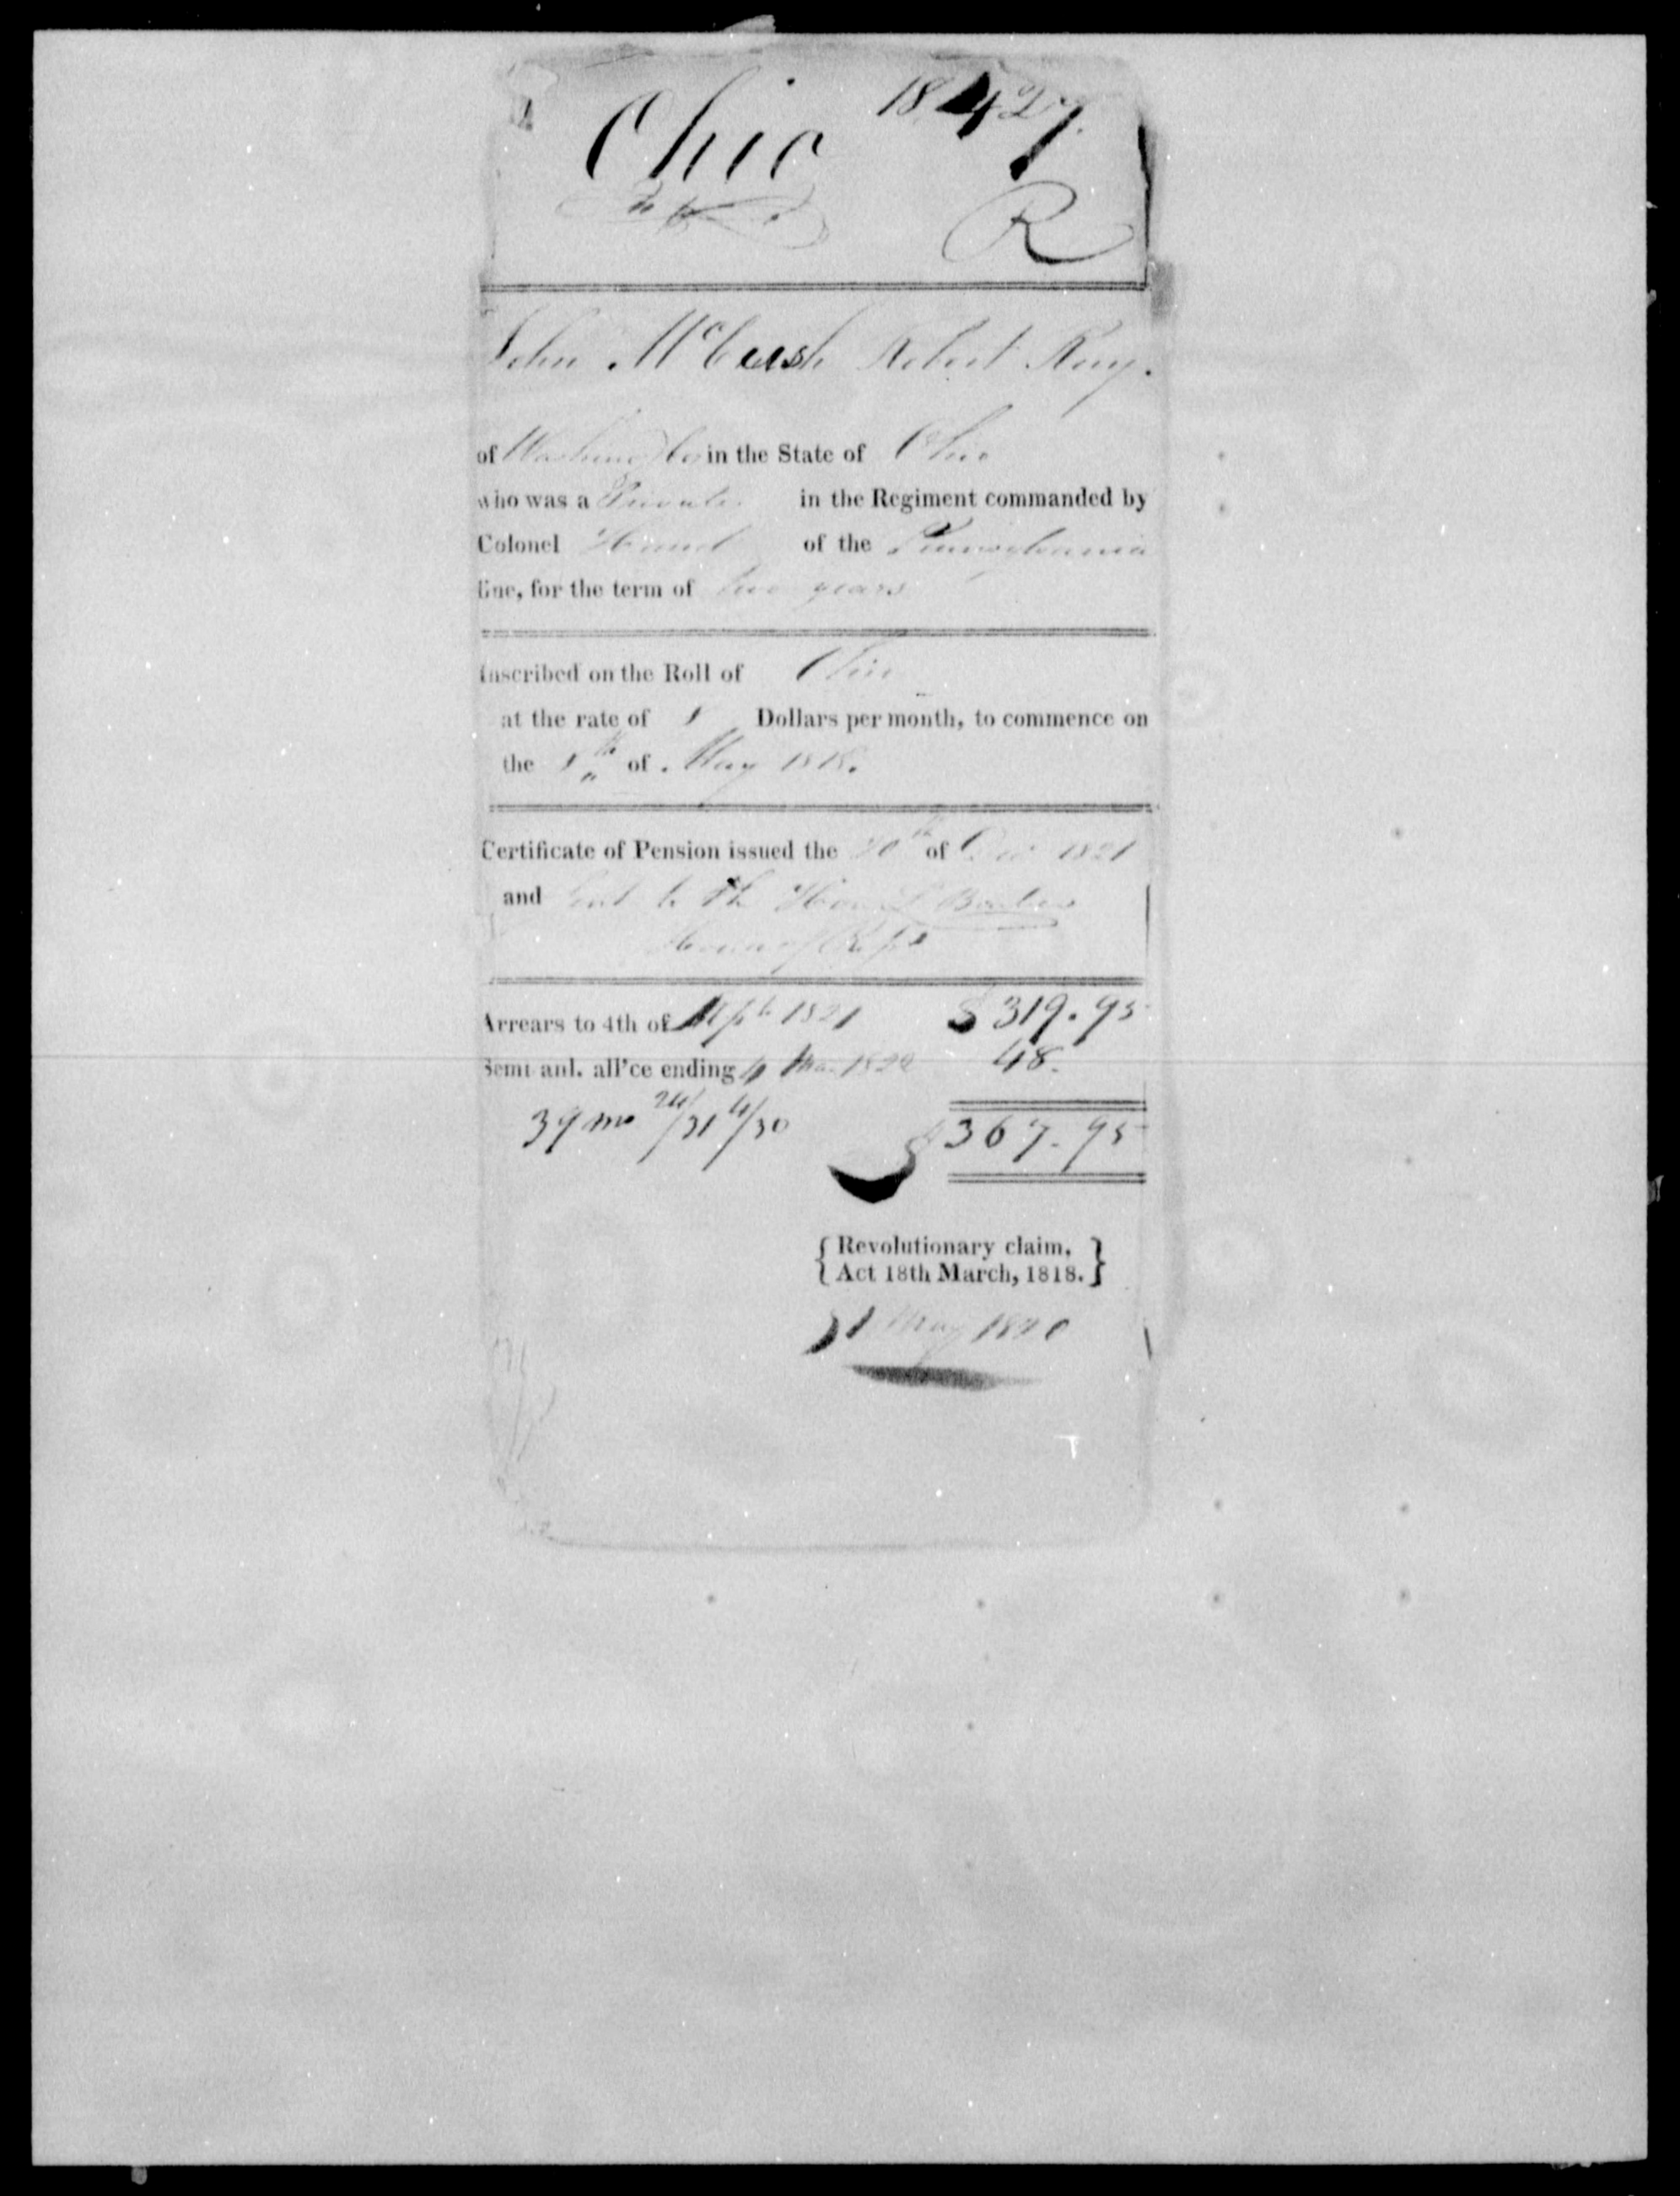Ohio 18, 42      R {paper looks worn}
John McCush, {illegible) 
of Washington {illegible} in the state of Ohio
who was a private in the Regiment commanded by Colonel {illegible perhaps howard?} of the Pennsylvania {missing letters} for the term of two years.  
Inscribed on the Roll of Ohio at the rate of {?} dollars per month, to commence on the {?th} of May 1818.  
Certificate of Pension issued the 20th of {illegible) 1821 and {illegible}
Arrears to the 4th of {illegible} 1821
Remt and. all'ce ending 4th (May?) 1820
39 months 26/21/30
$319.95 +48= $367.95 
{Revolutionary claim, Act 18th March, 1818}
{?} May 1820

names: John Mc Cush; Th Henry Barber; Robert Ray; [BLANK] Hunt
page: 2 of 20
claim: survivor's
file: S. 40,990, for John Mc Cush Robert Ray, Pennsylvania